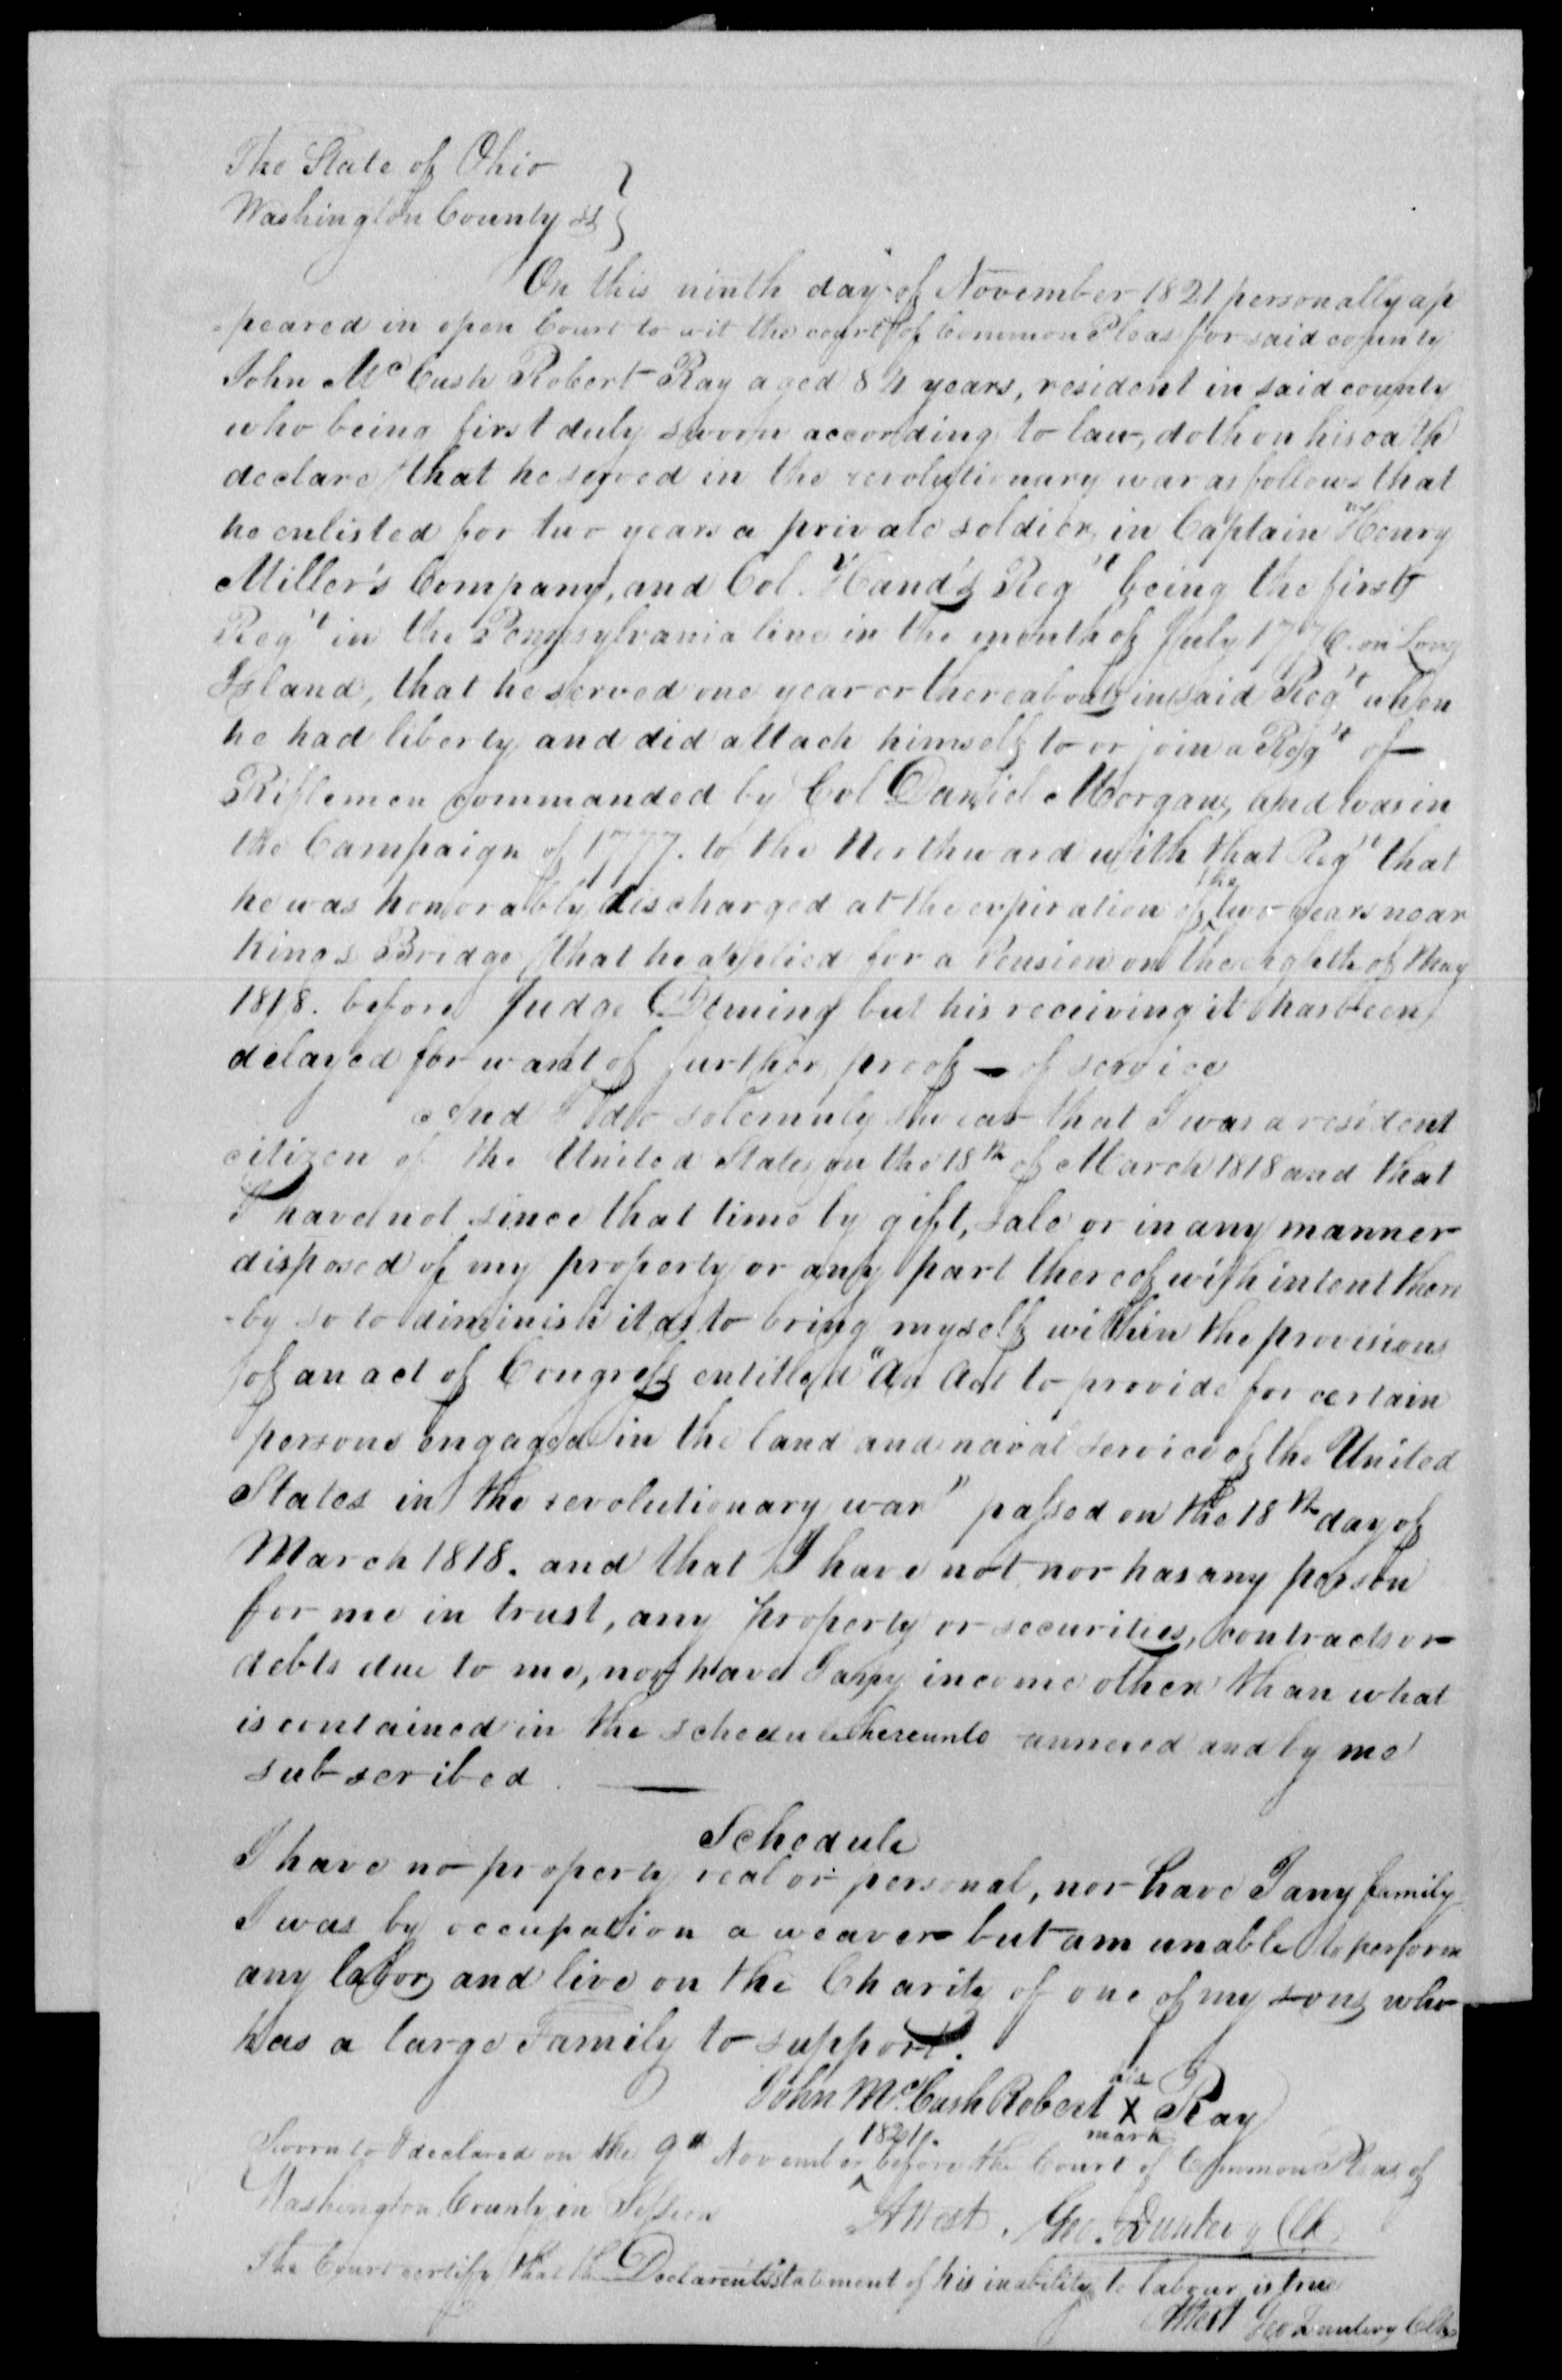The State of Ohio, Washington County,
On this ninth day of November 1821, personally appeared in open court to with the court of common Pleas as for aid (illegible) John McCush Robert Ray aged {82?} years, resident in said county who being first duly sworn according to law, doth his oath declare that he served in the Revolutionary war as follows that he enlisted for two years a private soldier in Captain Henry Miller's company and Col. Hand's Reg being the first Reg in the Pennsylvania line in the month of July 1776 on Long Island, that he served one year or thereabouts in said Reg when he had liberty and did attach himself to or join a Reg of Rifleman commanded by Col. Daniel Morgan, and was in the Campaign of 1777 to the {North} and with that reg that he was honorably discharged at the expiration of that year near Kings Bridge, that he applied for a Pension on the [illegible] of May 1818 before Judge [illegible] but his receiving it has been delayed for want of further records of service.
  And I solemnly swear that I was a resident citizen of the United States on the 18th of March 1818 and that I have not nor has any person for me in trust any properties or securities, contracts or debts due to me, nor have I any income other than what is contained in the schedule thereunto [illegible] and by me subscribed.
Schedule
I have no property real or personal, nor have I any family. I was by occupation a weaver, but am unable to perform any labor, and live on the charity of one of my sons, who has a large family to support. 
John McCush Robert his mark Ray
Sworn and declared on the 9th November 1821 before the Court of Common Pleas of Washington County in [illegible] 
attested by Geo. [Dunter?] [illegible]
The court certifies that this Declaration and testament of his inability to labor is true.  
[attested Geo Danbury??] [illegible]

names: Geo Dunlevy; Daniel Morgan; Robert Ray; John Mc Cush; Geo Dunlevy; John Mc Cush; Robert Ray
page: 4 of 20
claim: survivor's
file: S. 40,990, for John Mc Cush Robert Ray, Pennsylvania